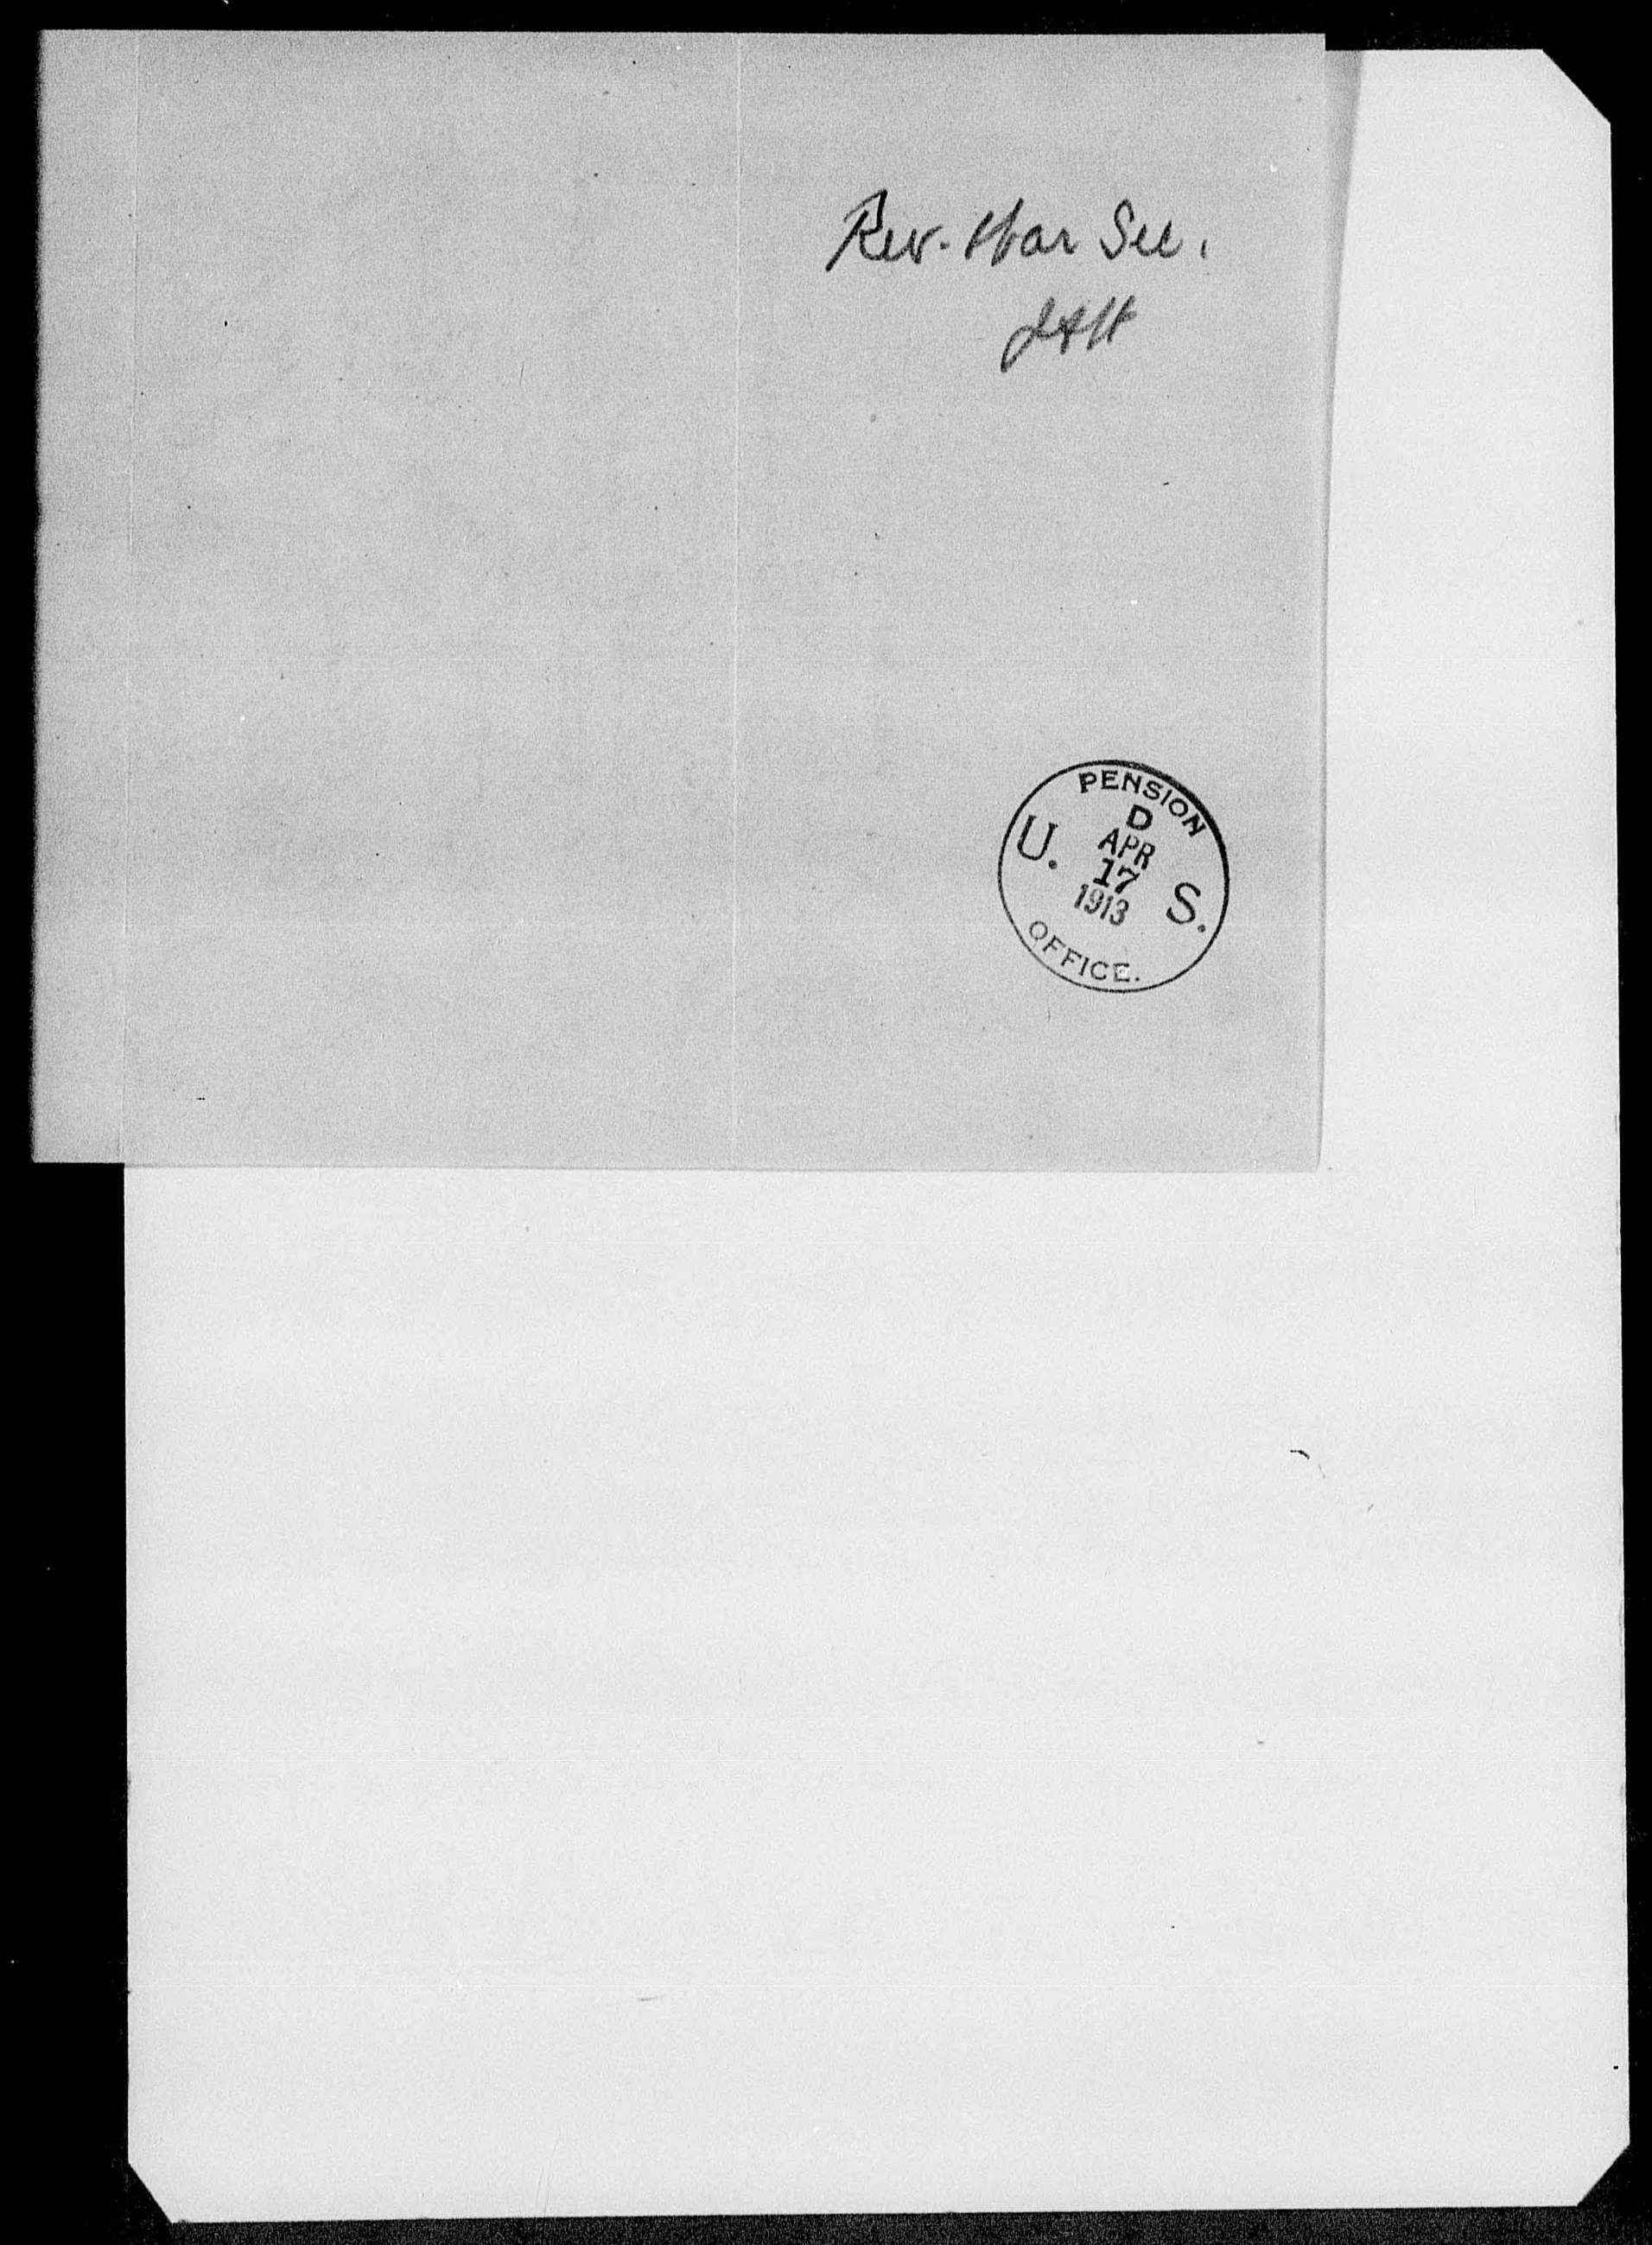Rev. War Sec.
JLE

(stamp) U.S. Pension office
April 17 1913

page: 10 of 24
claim: survivor's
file: S. 17879, Perley Chase, Continental Mass.